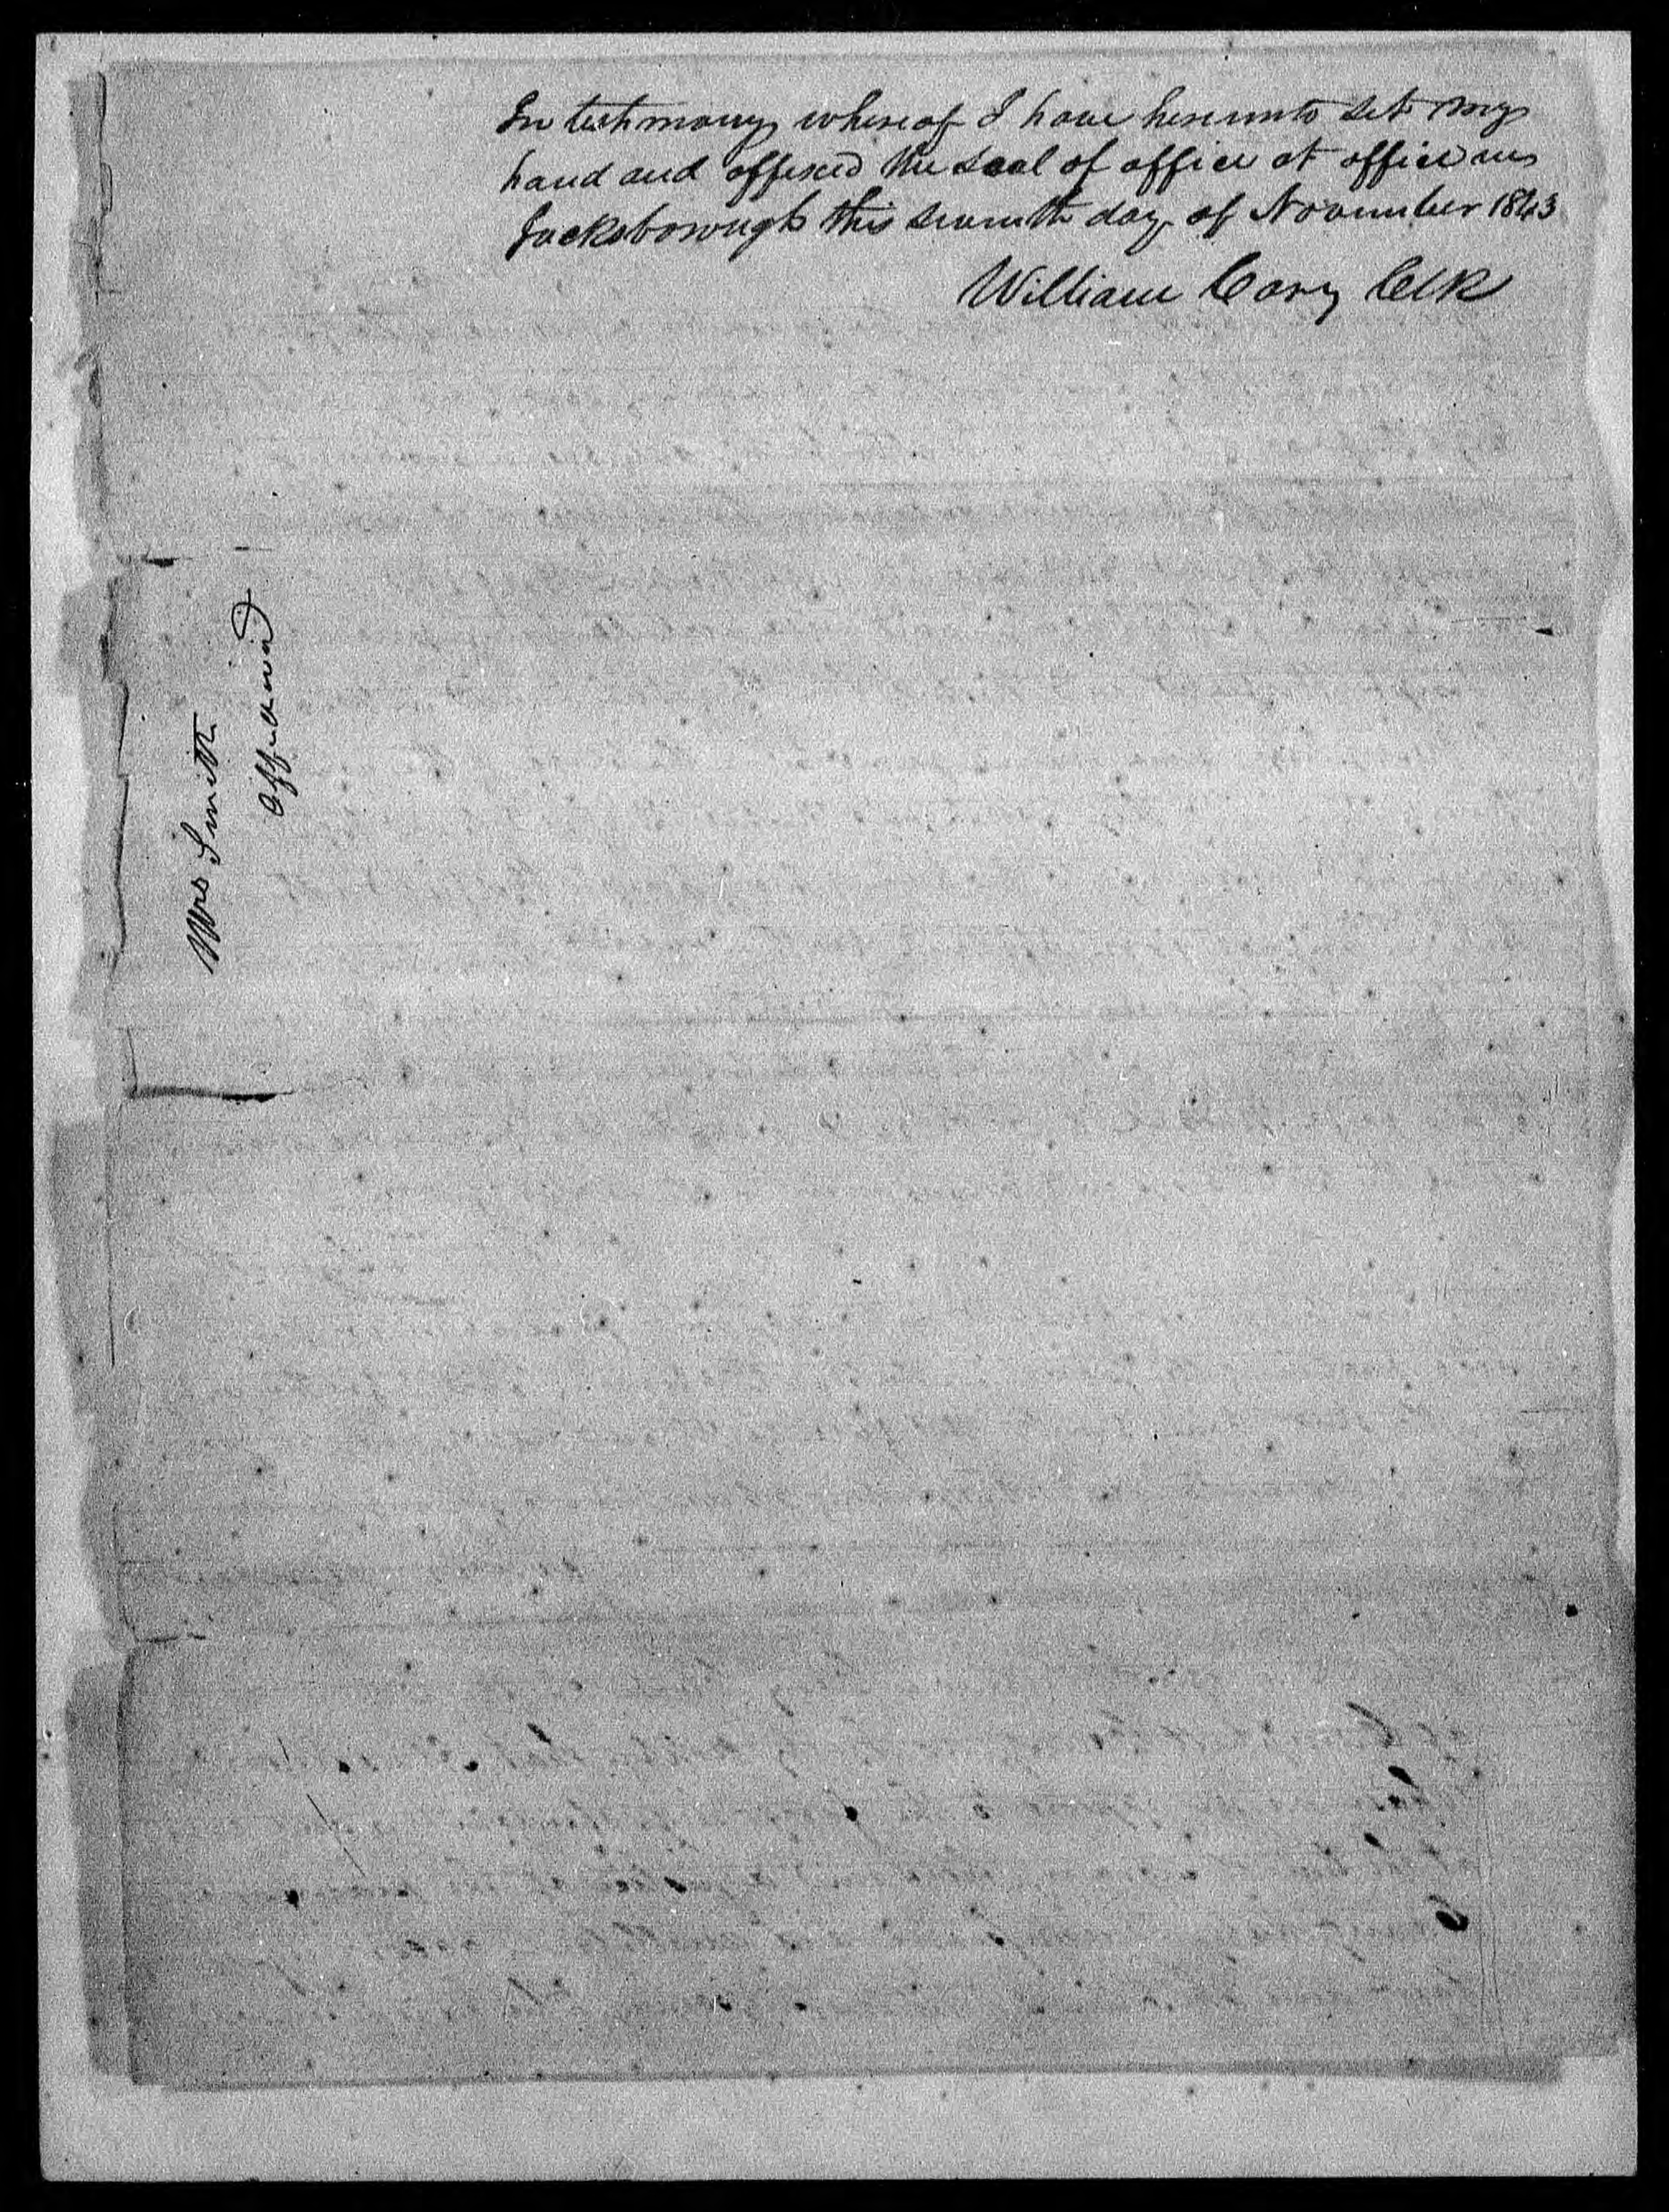In testimony whereof I have hereunto set my
hand and affixed the seal of office at office in
Jacksborough this seventh day of November 1843
William Cary Clk

Mrs. Smith
Affidavit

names: Smith, William Cary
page: 65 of 74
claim: widow's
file: W. 5, Joseph Hatfield, Va.